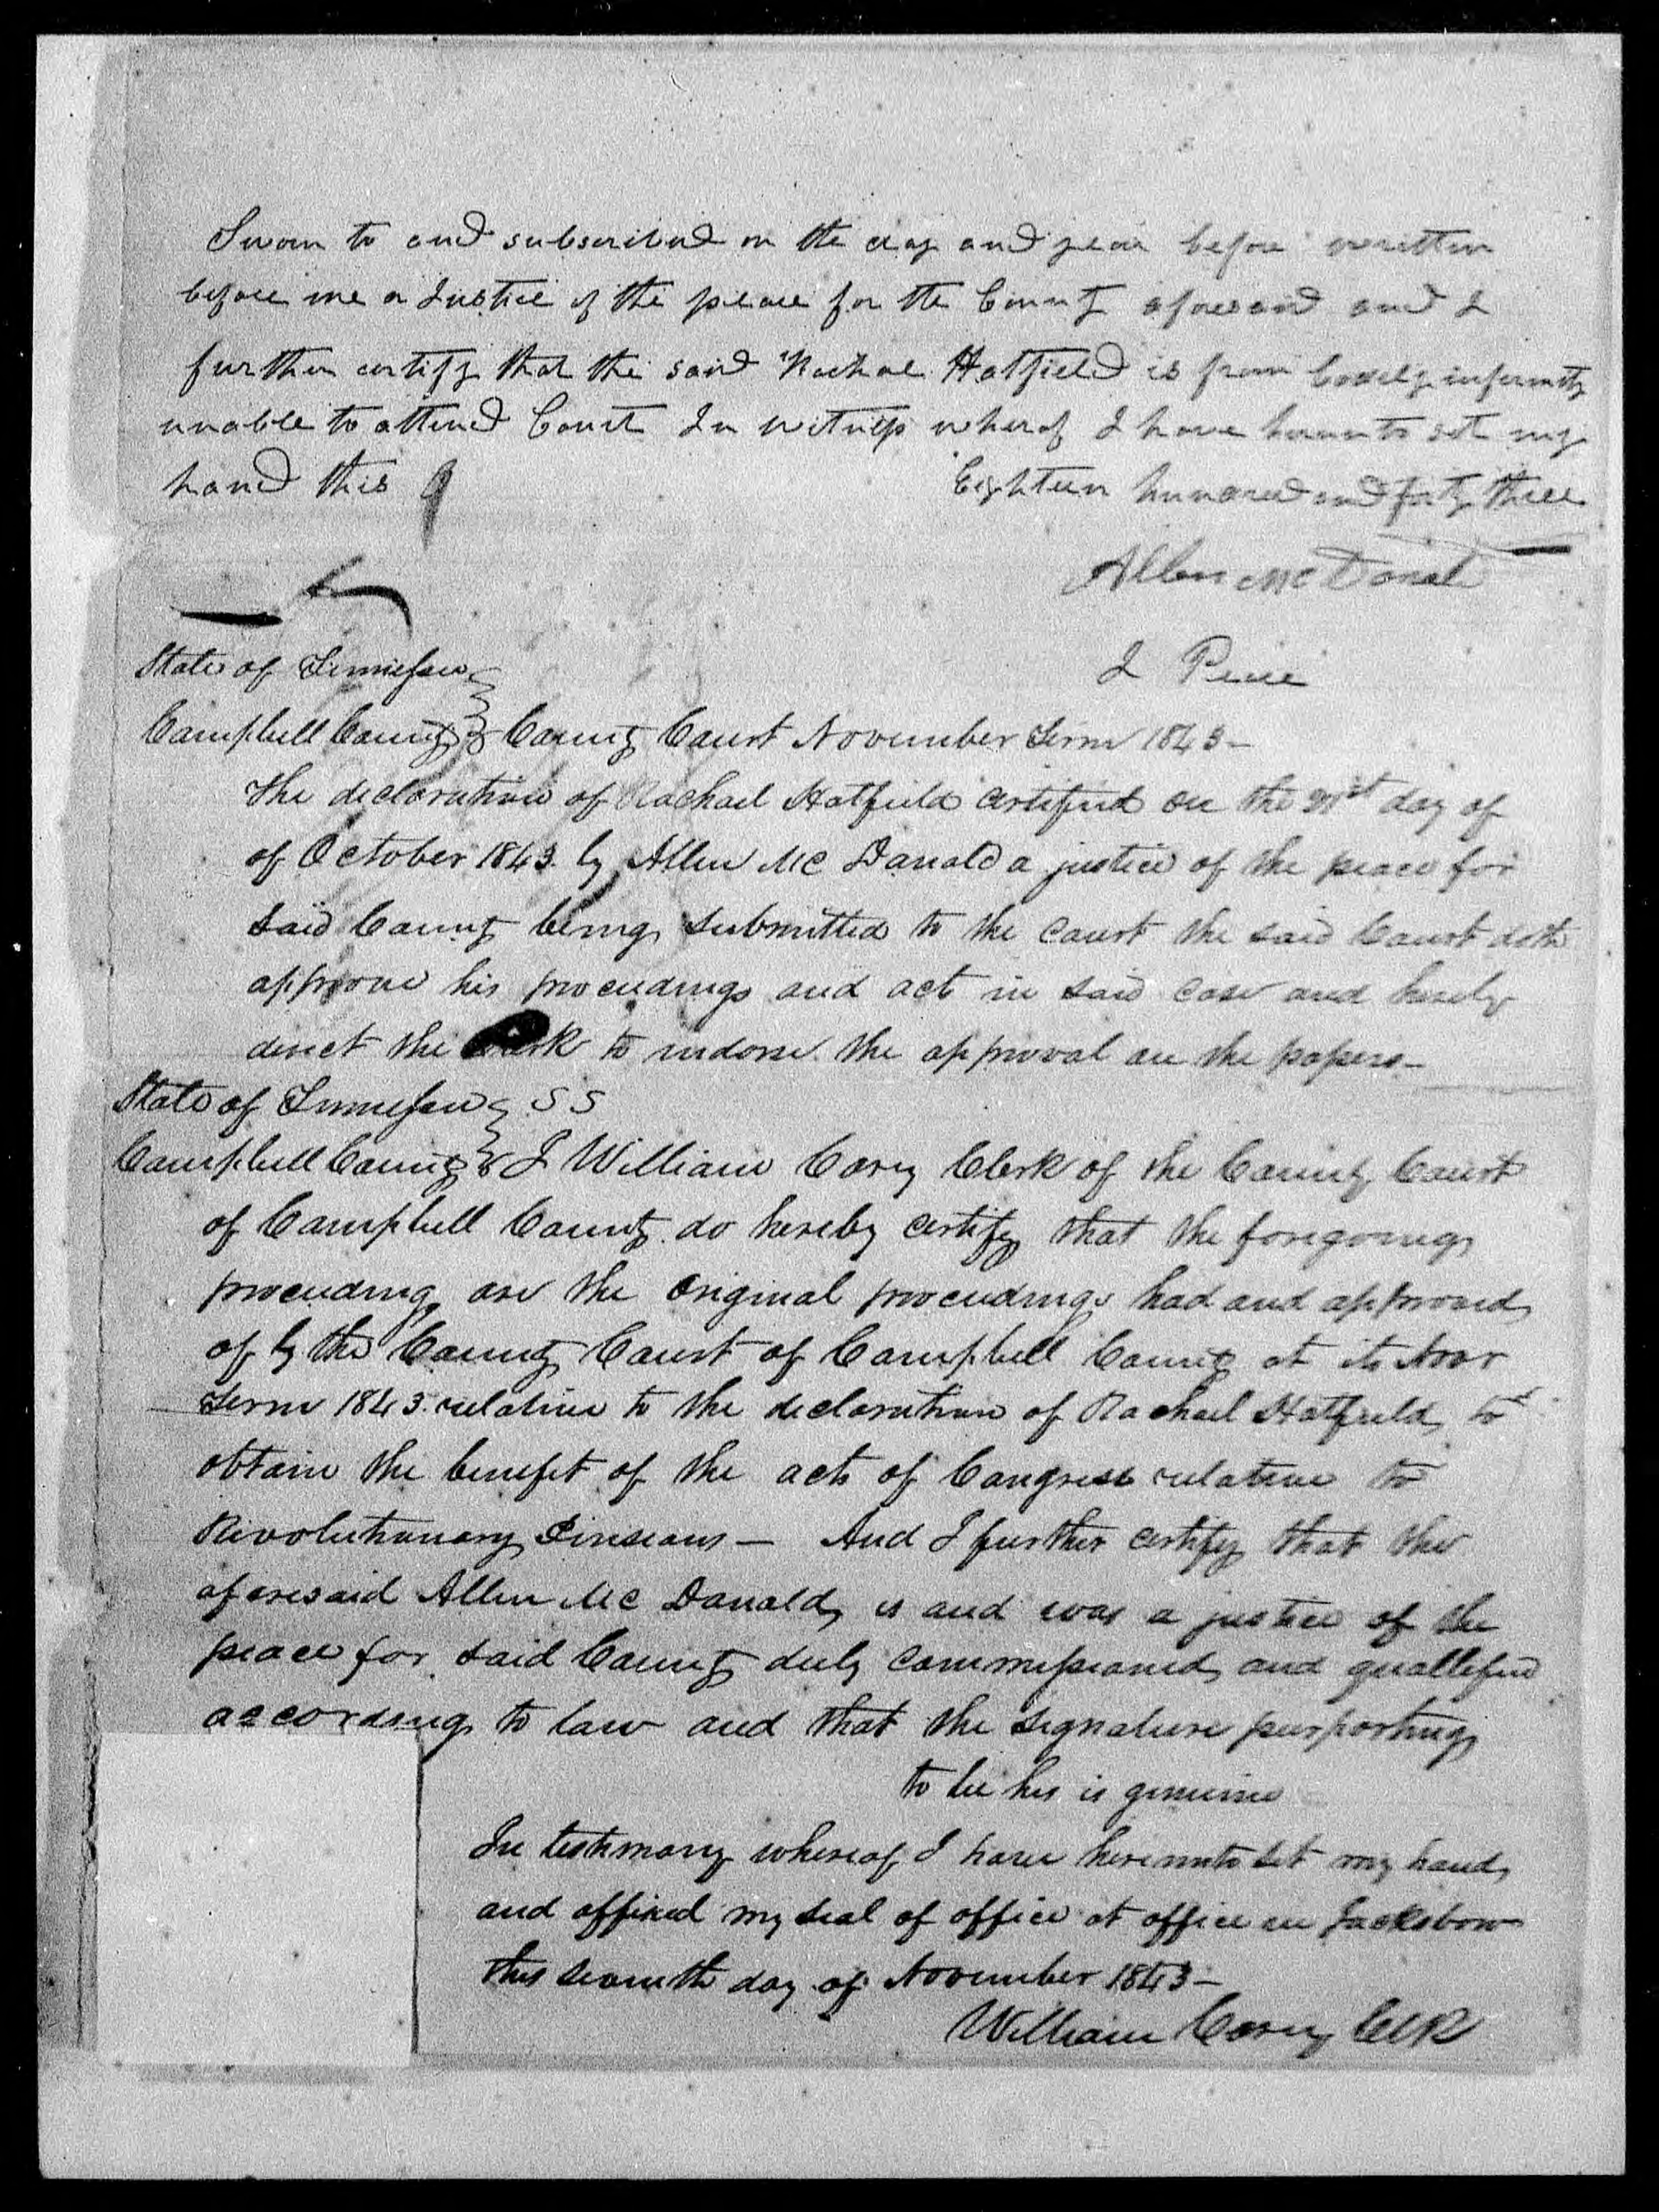Sworn to and subscribed on the day and year before written before me a Justice of the Peace for the County aforesaid and I further certify that the said Hatfield is from bodily infirmity unable to attend Court In Witness whereof I have hereunto set my hand this - Eighteen hundred and forty three
Allen McDonald
J Peace

State of Tennessee
Campbell County} County Court November Term 1843-
The declaration of Rachel Hatfield Certified on the 21st day of October 1843 by Allen McDonald a justice of the peace for said County being submitted to the Court the said Court doth approve his proceedings and act in said case and hereby direct the Clerk to endorse the approval on the papers -
State of Tennessee} SS
Campbell County} I William Carey Clerk of the County Court of Campbell County do hereby certify that the foregoing proceedings are the Original proceedings had and  approved of by the County Court of Campbell County at its Nov Term 1843. relative to the declaration of Rachel Hatfield, to obtain the benefit of the acts of Congress relative to Revolutionary Pensioners - And I further certify that the aforesaid Allen McDonald, is and was a justice of the peace for said County duly commissioned, and qualified according to law and that the signature purporting
to be his is genuine
In testimony whereof I have hereunto set my hand, and affixed my seal of office in Jacksboro the seventh day of November 1843-
William Carey Clk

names: Allen Mc Donald, William Carey, Rachael Hatfield, Allen Mc Donald, Rachal Hatfield, Allen Mc Donald, William Carey, Rachael Hatfield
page: 61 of 74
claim: widow's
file: W. 5, Joseph Hatfield, Va.